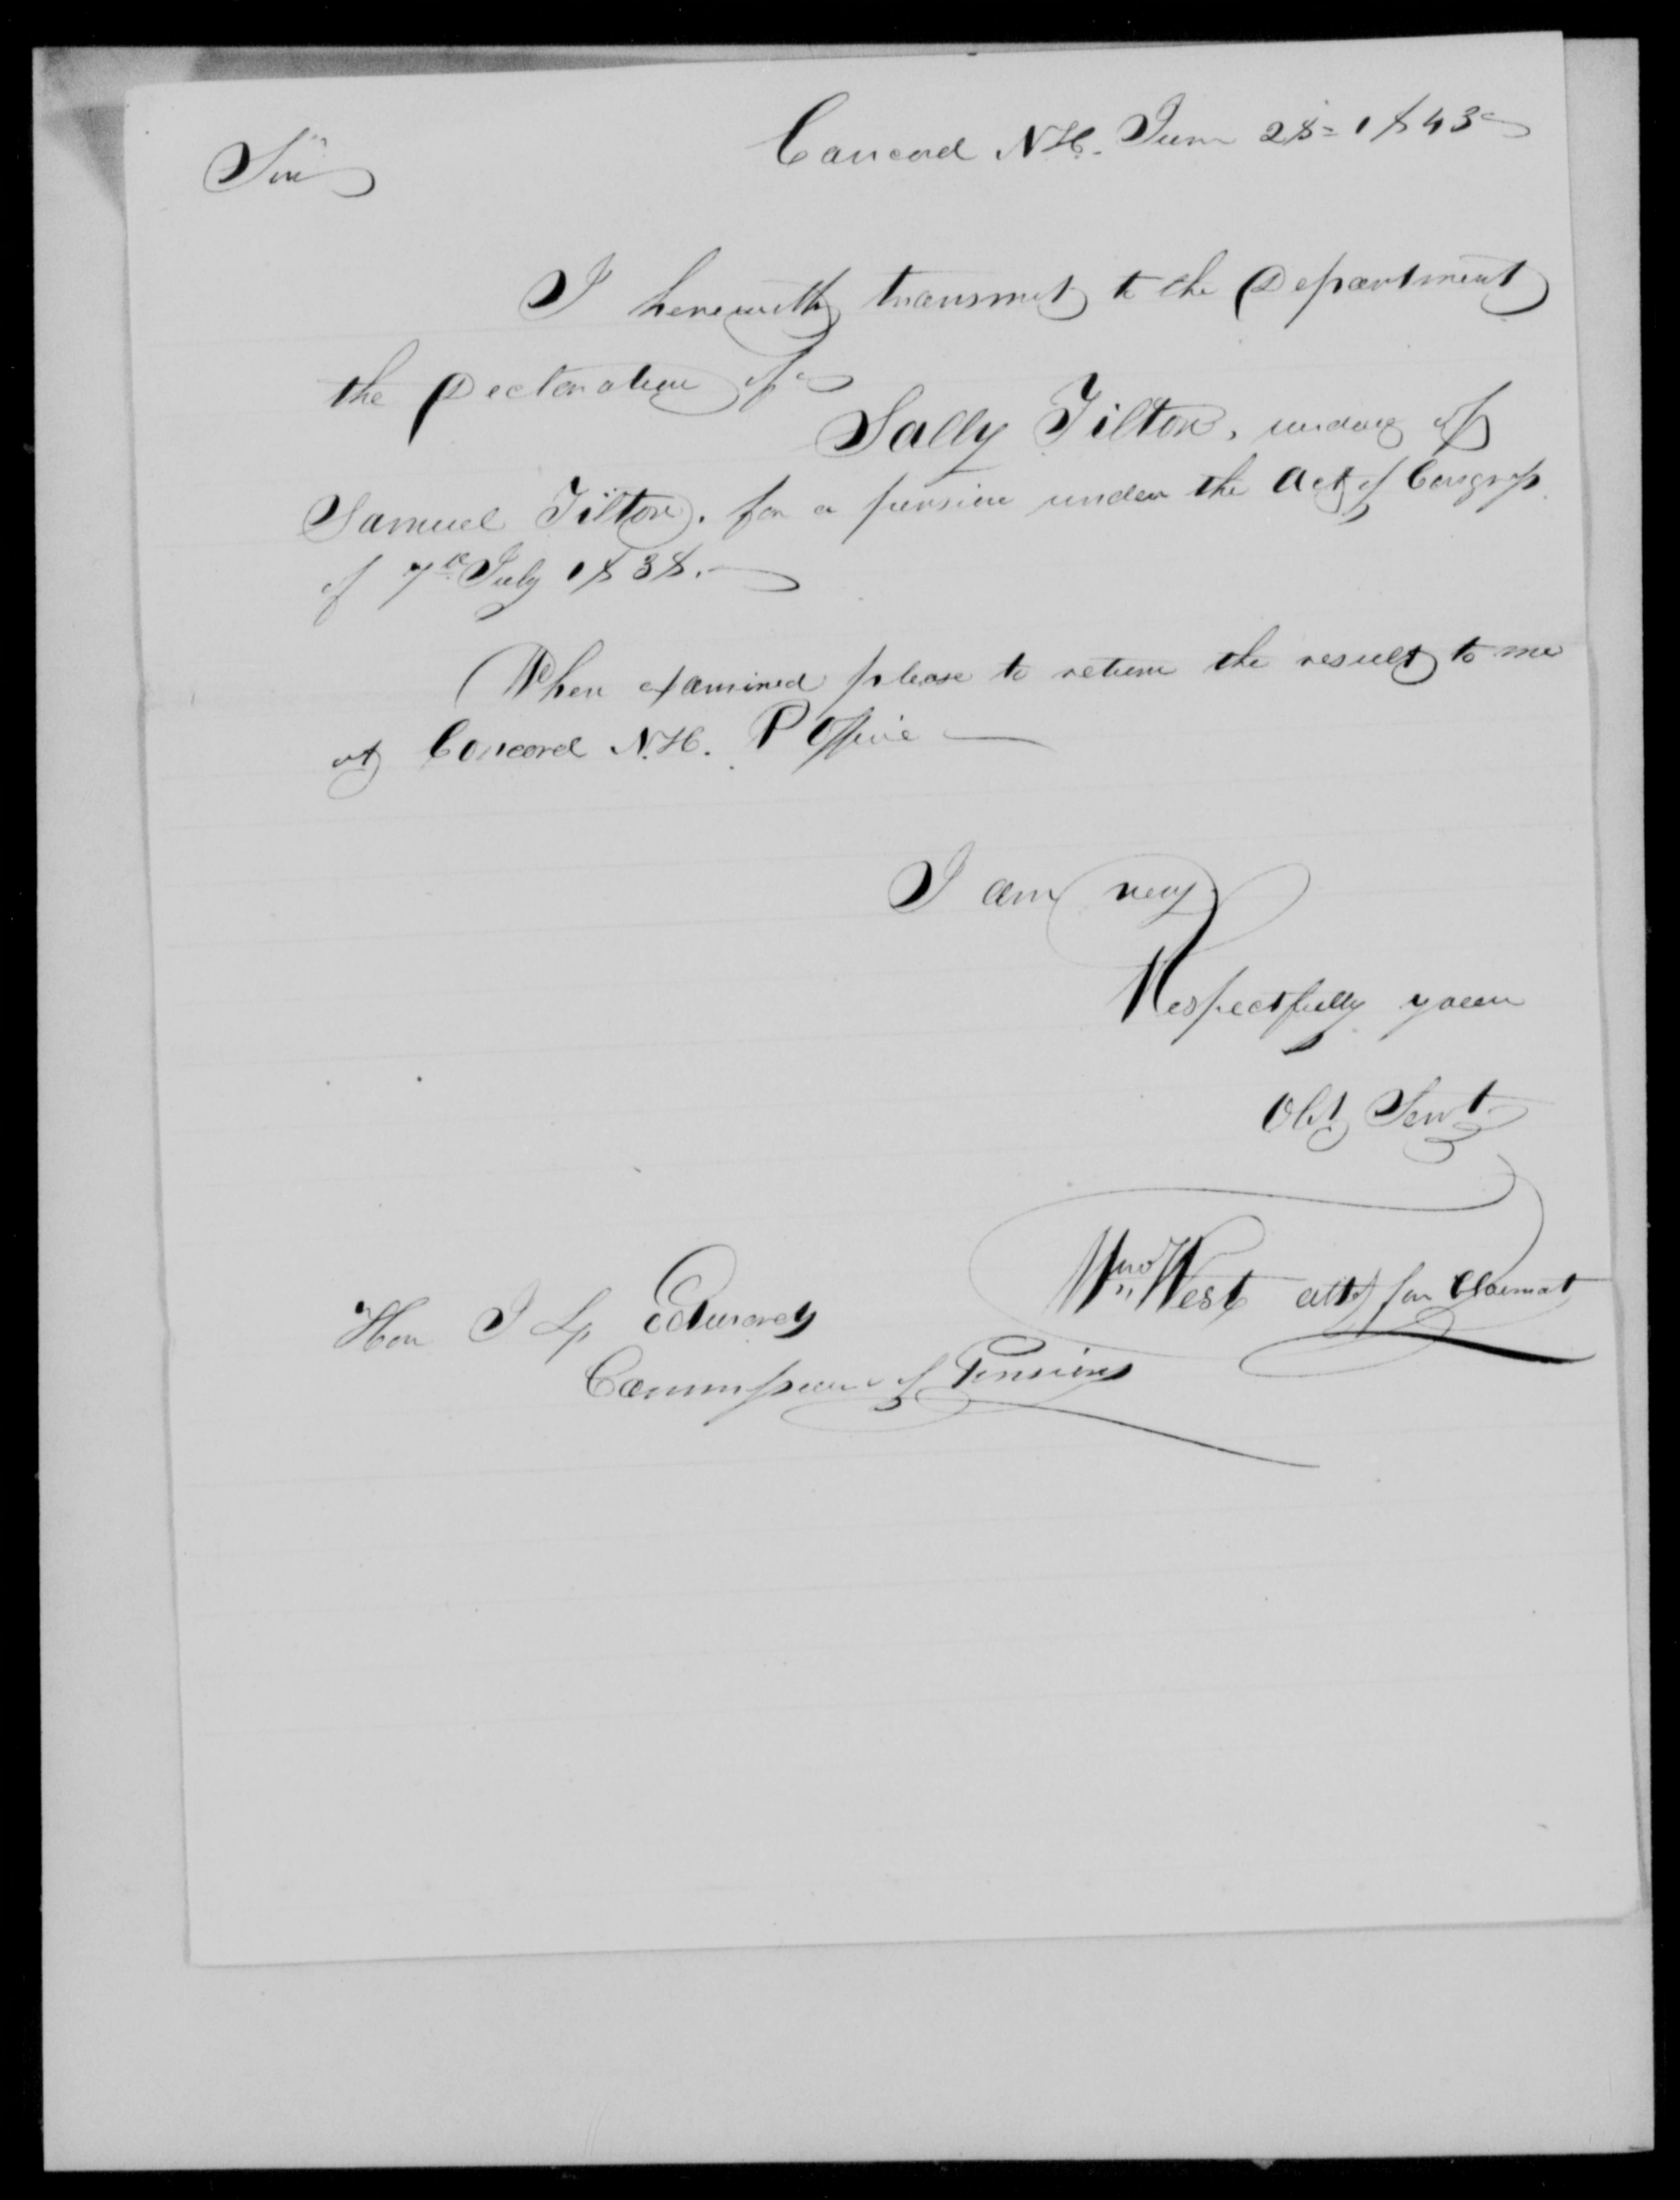Concord NH. June 28 1843
Sir
I herewith transmit to the Department the Declaration of
Sally Tilton, widow of Samuel Tilton for a pension under the Act of Congress of 7th July 1838.
When examined please to return the result to me
at Concord N.H. P Office-
I am very
Respectfully your
Obt Servt [Obedient Servant]
Wm West atty for Claimant

Hon. J L Edwards
Commissioner of Pensions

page: 34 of 55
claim: widow's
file: W. 14,021, for Samuel Tilton, New Hampshire